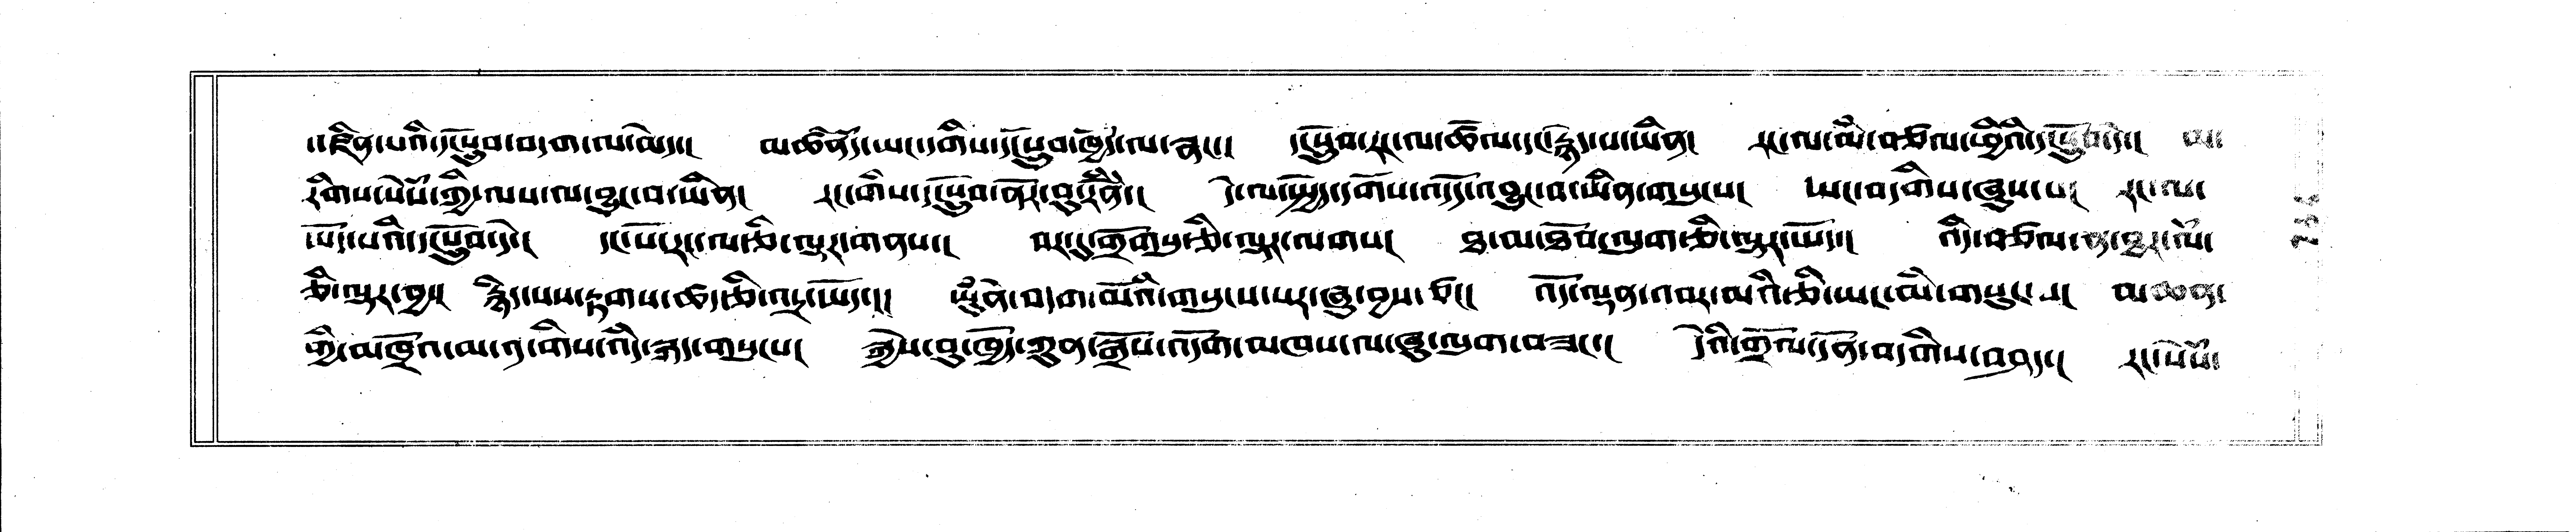འཛིན་པའི་དངོས་གྲུབ་བདག་ལ་མེད། །མཚན་མེད་ཡང་དག་གི་དངོས་གྲུབ་ཁྱོད་ལ་སྣང་། །དངོས་གྲུབ་རང་ལ་ཚོལ་དང་རྙེད་པ་ཡིན། རང་ལ་མི་བཙལ་ཕྱིའི་དངོས་གྲུབ་དེ། མ་
རིག་སེམས་ཀྱི་ལས་ལ་བྱུང་བ་ཡིན། རང་གི་དངོས་གྲུབ་ནོར་བུ་རིན་པོ་ཆེ། དེ་ལ་སྤྱོད་‘དང’དགོས་འདོད་འབྱུང་བ་ཡིན་གསུངས། ཡང་བདག་གིས་ཞུས་པ། རང་ལ་
ཡོད་པའི་དངོས་གྲུབ་དེ། །དང་པོ་རང་ལ་ཇི་ལྟར་གནས། །བར་དུ་གྲོགས་སུ་ཇི་ལྟར་ལགས། །ཐ་མ་ཐོབ་ལུགས་ཇི་ལྟར་ཡོད། །འདི་བཙལ་ན་ཐབས་ལམ་
ཅི་ལྟར་བྱ། །རྙེད་པའི་རྟགས་ཚད་ཅི་འདྲ་ཡོད། །ཡུམ་ཆེན་བདག་མོས་གསུང་བར་ཞུ་བྱས་ཙ། །འོད་ལྡན་འབར་མས་ཅི་ཡང་མི་གསུངས་པ། མཆན་
གྱི་མཁའ་འགྲོ་མ་ཅིག་གིས་འདི་སྐད་གསུངས། སྐྱེས་བུ་ཁྱོད་ཀུན་སྒྲོས་འདོགས་མཁས་ལ་ཞུ་ལུགས་བཟང་། དེའི་གྲོལ་‘བཀྲོལ་’དོན་བདག་གིས་བཤད། །རང་སེམས་